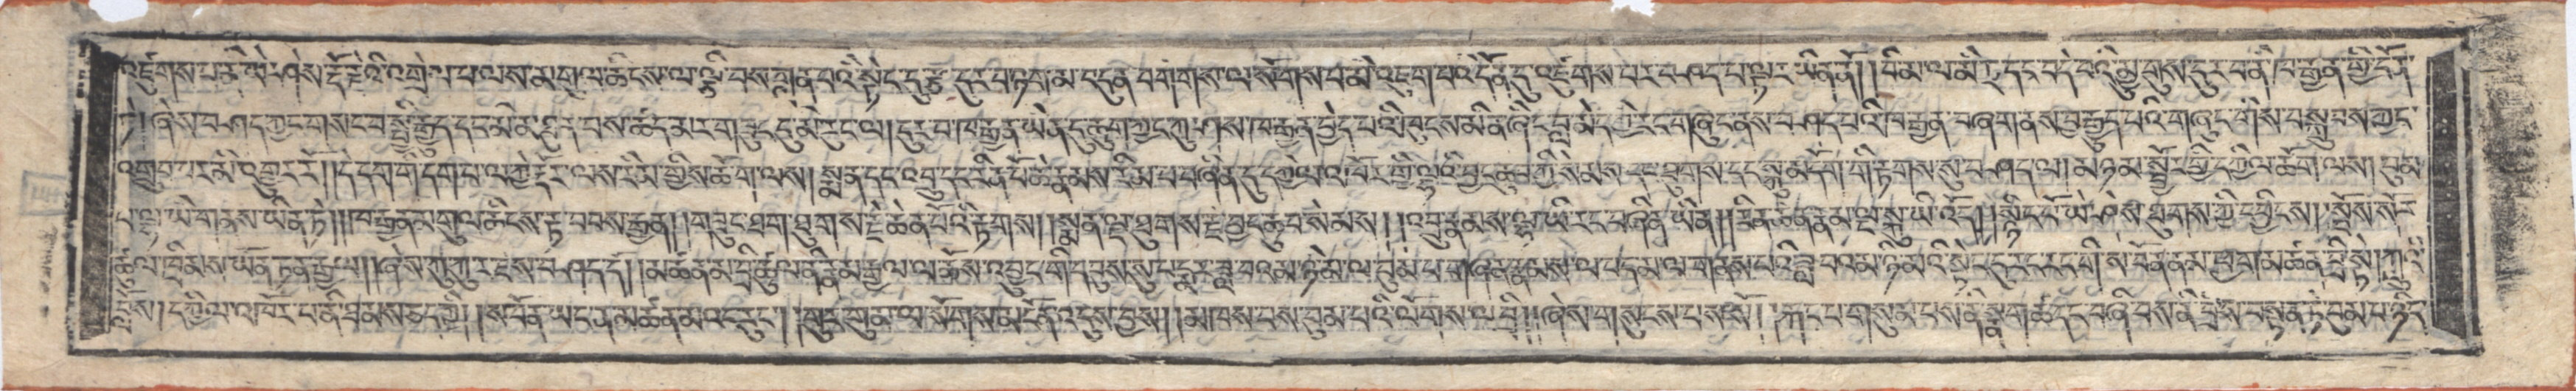འཛུགས་པ་ནི་ཡེ་ཤེས་རྡོ་རྗེའི་འགྲེལ་པ་ལས་མགུལ་ཆིངས་ལ་ལྕི་བས་གླན་པའི་སྟེང་དུ་རྩ་དུར་བ་ཉག་མ་བདུན་བགེགས་ལ་སོགས་པ་མི་འཇུག་པའི་དོན་དུ་འཛུགས་པར་བཤད་པ་ལྟར་ཡིན་ནོ། །བི་མ་ལ་མི་ཏྲ་དང་བདེ་བའི་མྱུ་གུས་དུར་བ་ནི་ཁ་རྒྱན་གྱི་དོན་
ཏེ། ཞེས་བཤད་ཀྱང་གསང་བ་སྤྱི་རྒྱུད་དང་མི་མཐུན་པས་ཚད་མར་གཟུང་དུ་མི་རུང་ལ། དུར་བ་ཁ་རྒྱན་ཡིན་དུ་ཆུག་ཀྱང་ཀུ་ཤས་ཁ་རྒྱན་བྱེད་པའི་ཁུངས་མིན་ཞིང་བླ་མེད་ཀྱི་རང་གཞུང་ནས་བཤད་པའི་ཁ་རྒྱན་བཞག་ནས་བྱ་རྒྱུད་པའི་གཞུང་གིས་བསྐྲུབས་ཀྱང་
འགྲུབ་པར་མི་འགྱུར་རོ། །དེ་དག་གི་དག་པ་ལ་ཀྱེ་རྡོར་ལས་རིམ་གྱིས་ཆོ་ག་ལས། སྨན་དང་འབྲུ་དང་རིན་པོ་ཆེ་རྣམས་རིམ་པ་བཞིན་དུ་དཀྱིལ་འཁོར་གྱི་ལྷའི་བྱང་ཆུབ་ཀྱི་སེམས་དང་ཐུགས་དང་སྐུ་མདོག་གི་རྟགས་སུ་བཤད་ལ། མཉམ་སྦྱོར་གྱི་དཀྱིལ་ཆོག་ལས། བུམ་
པ་ལྷ་ཡི་གནས་ཡིན་ཏེ། །ཁ་རྒྱན་མགུལ་ཆིངས་རྟ་བབས་རྒྱན། །གཟུང་ཐག་ཐུགས་རྗེ་ཆེན་པོའི་རྟགས། །སྨན་ལྔ་ཐུགས་རྗེ་བྱང་ཆུབ་སེམས། །འབྲུ་རྣམས་ལྷ་ཡི་རང་བཞིན་ཡིན། །རིན་ཆེན་རྣམ་ལྔ་སྐུ་ཡི་འོད། །སྙིང་པོ་ཡེ་ཤེས་ཐུགས་ཀྱི་དབྱིངས། །སྤོས་སོགས་
ཚུལ་ཁྲིམས་ཡོན་ཏན་རྒྱལ། །ཞེས་ཀུ་ཀུ་ར་ཛས་བཤད་དོ། །མཚན་མ་བྲི་ཚུལ་ནི་རྣམ་རྒྱལ་ལ་ཆོས་འབྱུང་གི་དབུས་སུ་པདམར་ཟླ་བའི་མ་ཉི་མ་ལ་བུམ་པ་གཞན་རྣམས་ལ་པད་མ་ལ་གནས་པའི་ཟླ་བའམ་ཉི་མའི་སྟེང་དུ་རང་རང་གི་ས་བོན་ནམ་ཕྱག་མཚན་བྲི་སྟེ། ཀླུའི་
བློས། དཀྱིལ་འཁོར་པ་ནི་ཐམས་ཅད་ཀྱི། །ས་བོན་ཡང་ན་མཚན་མའང་རུང་། །གུར་གུམ་ལ་སོགས་མངོན་འདུས་བྱས། །མཁས་པས་བུམ་པའི་ལོགས་ལ་བྲི། །ཞེས་གསུངས་པས་སོ། །རྐང་པ་གསུམ་པས་ནི་སྣག་ཚད་དང་བཞི་བས་ནི་བྲིས་བསྟེན་ཏེ་བུམ་པ་ཉིད་